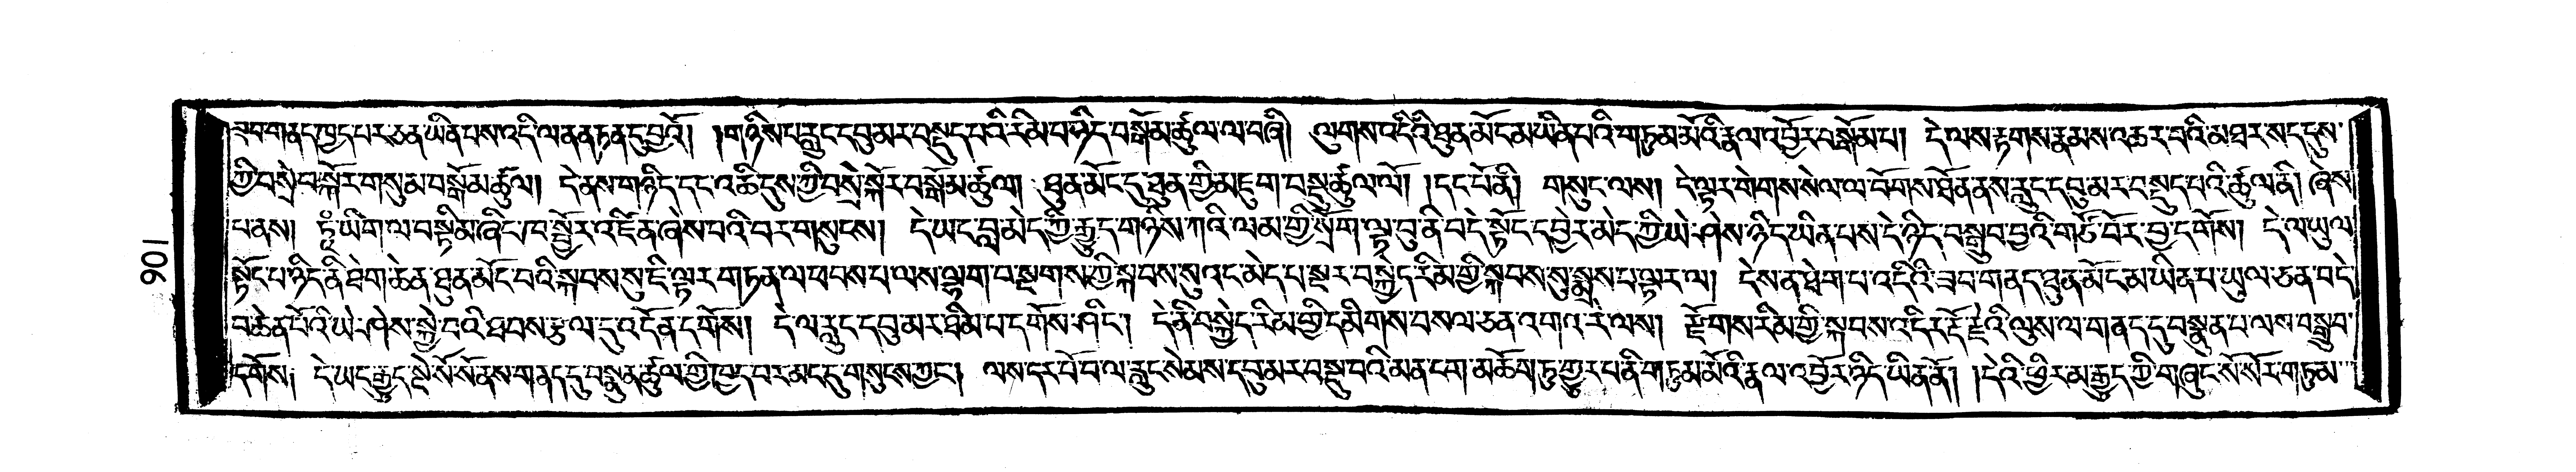ཟབ་གནད་ཁྱད་པར་ཅན་ཡིན་པས་འདི་ལ་ནན་ཏན་དུ་བྱའོ། །གཉིས་པ་རླུང་དབུ་མར་སྡུད་པའི་རིམ་པ་ཉིད་བསྒོམ་ཚུལ་ལ་བཞི། ལུགས་འདིའི་ཐུན་མོང་མ་ཡིན་པའི་གཏུམ་མོའི་རྣལ་འབྱོར་བསྒོམ་པ། དེ་ལས་རྟགས་རྣམས་འཆར་བའི་མཐར་སང་དུས་
ཀྱི་བསྲེ་བ་སྐོར་གསུམ་བསྒོམ་ཚུལ། དེ་ནས་གཉིད་དང་འཆི་དུས་ཀྱི་བསྲེ་སྐོར་བསྒོམ་ཚུལ། ཐུན་མོང་དུ་ཐུན་གྱི་མཇུག་བསྡུ་ཚུལ་ལོ། །དང་པོ་ནི། གསུང་ལས། དེ་ལྟར་གེགས་སེལ་ལ་བོགས་ཐོན་ནས་རླུང་དབུ་མར་སྡུད་པའི་ཚུལ་ནི། ཞེས་
པ་ནས། ཏཱཾ་ཡིག་ལ་བསྟིམ་ཞིང་ཁ་སྦྱོར་འཛིན་ཞེས་པའི་བར་གསུངས། དེ་ཡང་བླ་མེད་ཀྱི་རྒྱུད་གཉིས་ཀའི་ལམ་གྱི་སྲོག་ལྟ་བུ་ནི་བདེ་སྟོང་དབྱེར་མེད་ཀྱི་ཡེ་ཤེས་ཉིད་ཡིན་པས་དེ་ཉིད་བསྒྲུབ་བྱའི་གཙོ་བོར་བྱ་དགོས། དེ་ལ་ཡུལ་
སྟོང་པ་ཉིད་ནི་ཐེག་ཆེན་ཐུན་མོང་བའི་སྐབས་སུ་ཇི་ལྟར་གཏན་ལ་ཕབ་པ་ལས་ལྷག་པ་སྔགས་ཀྱི་སྐབས་སུའང་མེད་པ་སྔར་བསྐྱེད་རིམ་གྱི་སྐབས་སུ་སྨྲས་པ་ལྟར་ལ། དེས་ན་ཐེག་པ་འདིའི་ཟབ་གནད་ཐུན་མོང་མ་ཡིན་པ་ཡུལ་ཅན་བདེ་
བ་ཆེན་པོའི་ཡེ་ཤེས་སྐྱེ་བའི་ཐབས་རྩལ་དུ་འདོན་དགོས། དེ་ལ་རླུང་དབུ་མར་ཐིམ་པ་དགོས་ཤིང་། དེ་ནི་བསྐྱེད་རིམ་གྱི་དམིགས་བསལ་ཅན་འགའ་ར་ལས། རྫོགས་རིམ་གྱི་སྐབས་འདིར་རྡོ་རྗེའི་ལུས་ལ་གནད་དུ་བསྣུན་པ་ལས་བསྒྲུབ་
དགོས། དེ་ཡང་རྒྱུད་སྡེ་སོ་སོ་ནས་གནད་དུ་བསྣུན་ཚུལ་གྱི་ཁྱད་པར་མང་དུ་གསུངས་ཀྱང་། ལས་དང་པོ་པ་ལ་རླུང་སེམས་དབུ་མར་བསྡུ་བའི་མན་ངག་མཆོག་ཏུ་གྱུར་པ་ནི་གཏུམ་མོའི་རྣལ་འབྱོར་ཉིད་ཡིན་ནོ། །དེའི་ཕྱིར་མ་རྒྱུད་ཀྱི་གཞུང་སོ་སོར་གཏུམ་